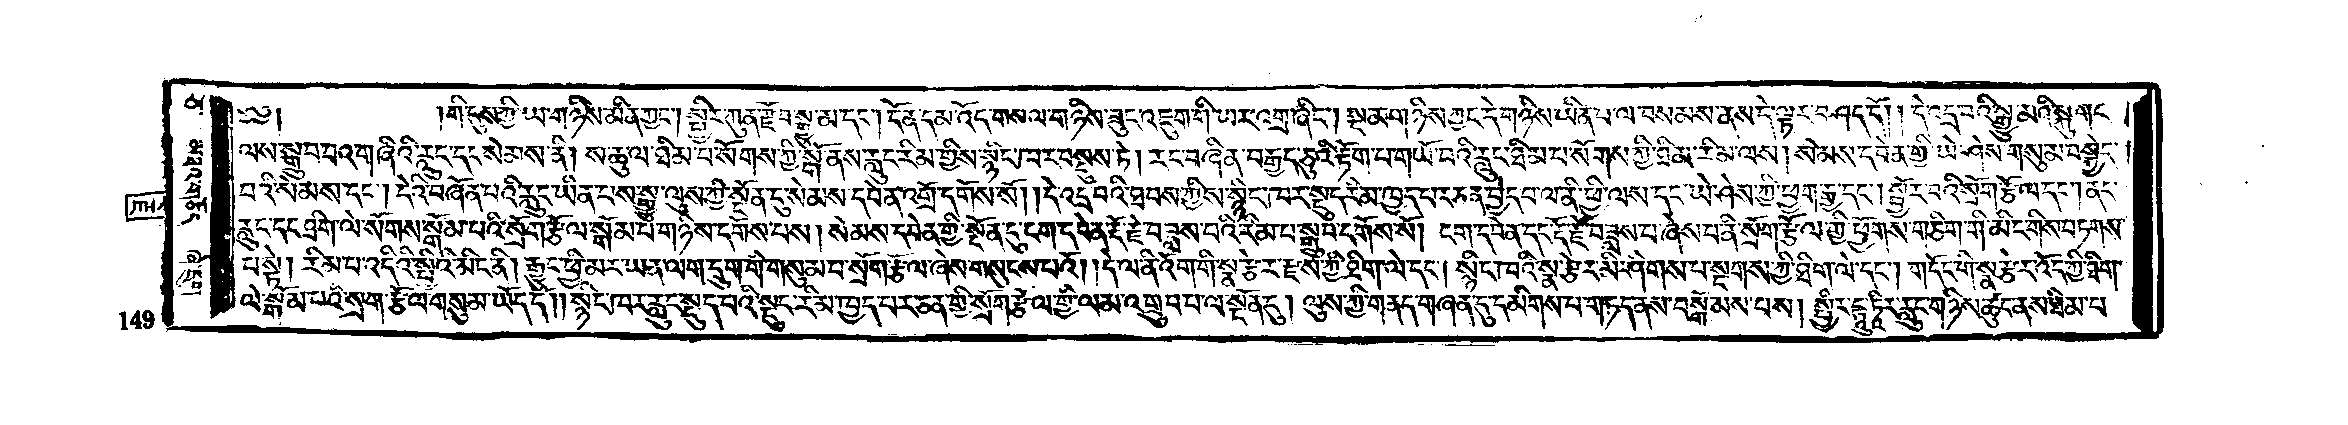༄༅། །གི་དུས་ཀྱི་ཡ་གཉིས་མིན་ཀྱང་། སྤྱིར་ཀུན་རྫོབ་སྒྱུ་མ་དང་། དོན་དམ་འོད་གསལ་གཉིས་ཟུང་འཇུག་གི་ཡར་འགྲ་ཞིང་། སྔ་མ་གཉིས་ཀྱང་དེ་གཉིས་ཡིན་པ་ལ་བསམས་ནས་དེ་ལྟར་བཤད་དོ། །དེ་འདྲ་བའི་སྒྱུ་མའི་སྐུ་གང་
ལས་སྒྲུབ་པའི་གཞིའི་རླུང་དང་སེམས་ནི། ས་ཆུལ་ཐིམ་པ་སོགས་ཀྱི་སྒོ་ནས་རླུང་རིམ་གྱིས་སྙིང་ཁར་བསྡུས་ཏེ། རང་བཞིན་བརྒྱད་ཅུའི་རྟོག་པ་གཡོ་བའི་རླུང་ཐིམ་པ་སོགས་ཀྱི་ཐིམ་རིམ་ལས། སེམས་དབེན་གྱི་ཡེ་ཤེས་གསུམ་བསྐྱེད་
པའི་སེམས་དང་། དེའི་བཞོན་པའི་རླུང་ཡིན་པས་སྒྱུ་ལུས་ཀྱི་སྔོན་དུ་སེམས་དབེན་འགྲོ་དགོས་སོ། །དེ་འདྲ་བའི་ཐབས་ཀྱིས་སྙིང་ཁར་སྡུད་རིམ་ཁྱད་པར་ཅན་བྱེད་པ་ལ་ནི་ཕྱི་ལས་དང་ཡེ་ཤེས་ཀྱི་ཕྱག་རྒྱ་དང་། སྦྱོར་བའི་སྲོག་རྩོལ་དང་། ནང་
རླུང་དང་ཐིག་ལེ་སོགས་སྒོམ་པའི་སྲོག་རྩོལ་སྒོམ་པ་གཉིས་དགོས་པས། སེམས་དབེན་གྱི་སྔོན་དུ་ངག་དབེན་རྡོ་རྗེ་བཟླས་པའི་རིམ་པ་སྒྲུབ་དགོས་སོ། ངག་དབེན་དང་རྡོ་རྗེ་བཟླས་པ་ཞེས་པ་ནི་སྲོག་རྩོལ་གྱི་ཕྱོགས་གཅིག་གི་མིང་གིས་བཏགས་
པ་སྟེ། རིམ་པ་འདིའི་སྤྱིའི་མིང་ནི། རྒྱུད་ཕྱི་མར་ཡན་ལག་དྲུག་གི་གསུམ་པ་སྲོག་རྩོལ་ཞེས་གསུངས་པའོ། །དེ་ལ་ནི་འོག་གི་སྣ་རྩེར་རྫས་ཀྱི་ཐིག་ལེ་དང་། སྙིང་ཁའི་སྣ་རྩེར་མི་ཤིགས་པ་སྔགས་ཀྱི་ཐིག་ལེ་དང་། གདོང་གི་སྣ་རྩེར་འོད་ཀྱི་ཐིག་
ལེ་སྒོམ་པའི་སྲོག་རྩོལ་གསུམ་ཡོད་དོ། །སྙིང་ཁར་རླུང་སྡུད་པའི་སྡུད་རིམ་ཁྱད་པར་ཅན་གྱི་སྲོག་རྩོལ་གྱི་ལམ་འགྲུབ་པ་ལ་སྔོན་དུ། ལུས་ཀྱི་གནད་གཞན་དུ་དམིགས་པ་གཏད་ནས་བསྒོམས་པས། སྤྱིར་དྷཱུ་ཏཱིར་རླུང་གཉིས་ཚུང་ནས་ཐིམ་པ་